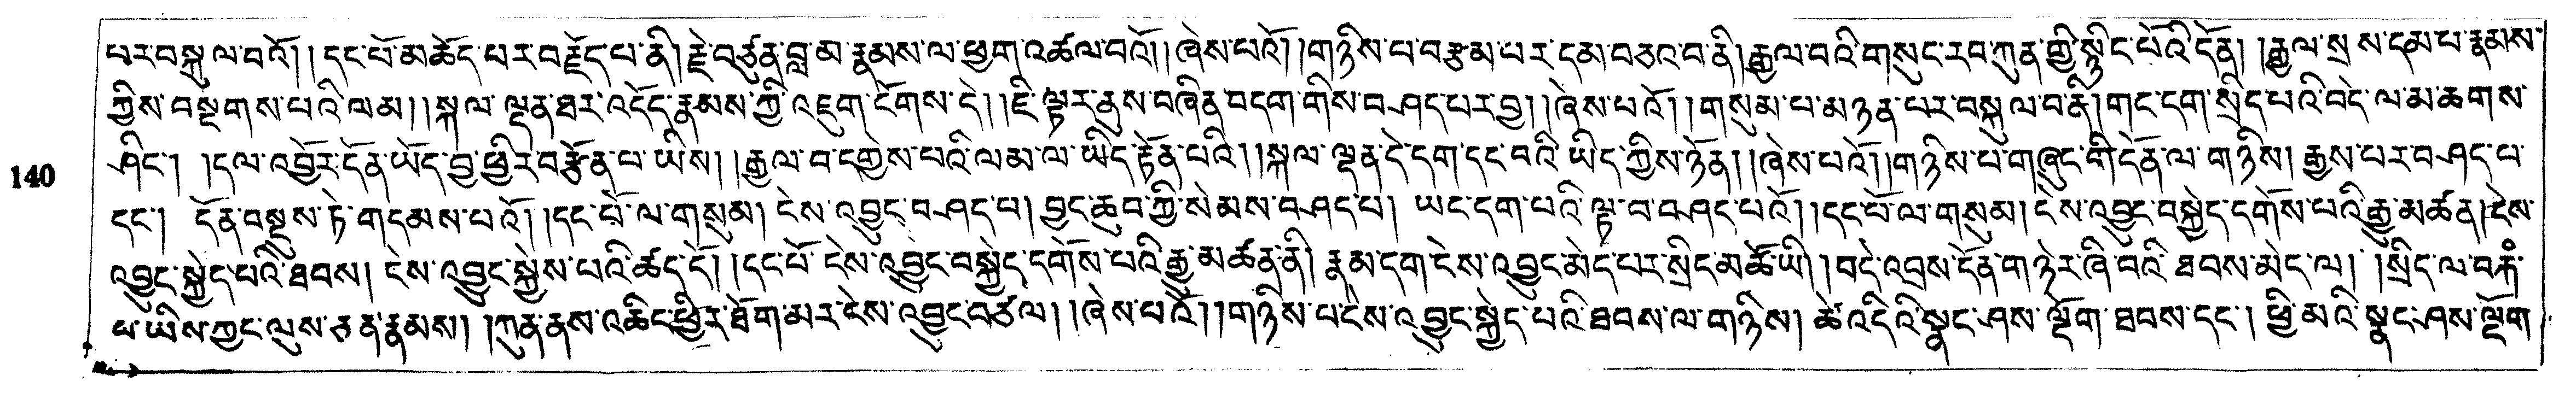པར་བསྐུལ་བའོ། །དང་པོ་མཆོད་པར་བརྗོད་པ་ནི། རྗེ་བཙུན་བླ་མ་རྣམས་ལ་ཕྱག་འཚལ་བའོ། །ཞེས་པའོ། །གཉིས་པ་བརྩམ་པར་དམ་བཅའ་བ་ནི། རྒྱལ་བའི་གསུང་རབ་ཀུན་གྱི་སྙིང་པོའི་དོན། །རྒྱལ་སྲས་དམ་པ་རྣམས་
ཀྱིས་བསྔགས་པའི་ལམ། །སྐལ་ལྡན་ཐར་འདོད་རྣམས་ཀྱི་འཇུག་ངོགས་དེ། །ཇི་ལྟར་ནུས་བཞིན་བདག་གིས་བཤད་པར་བྱ། །ཞེས་པའོ། །གསུམ་པ་མཉན་པར་བསྐུལ་བ་ནི། གང་དག་སྲིད་པའི་བདེ་ལ་མ་ཆགས་
ཤིང་། །དལ་འབྱོར་དོན་ཡོད་བྱ་ཕྱིར་བརྩོན་པ་ཡིས། །རྒྱལ་བ་དགྱེས་པའི་ལམ་ལ་ཡིད་རྟོན་པའི། །སྐལ་ལྡན་དེ་དག་དང་བའི་ཡིད་ཀྱིས་ཉོན། །ཞེས་པའོ། །གཉིས་པ་གཞུང་གི་དོན་ལ་གཉིས། རྒྱས་པར་བཤད་པ་
དང་། དོན་བསྡུས་ཏེ་གདམས་པའོ། །དང་པོ་ལ་གསུམ། ངེས་འབྱུང་བཤད་པ། བྱང་ཆུབ་ཀྱི་སེམས་བཤད་པ། ཡང་དག་པའི་ལྟ་བ་བཤད་པའོ། །དང་པོ་ལ་གསུམ། ངེས་འབྱུང་བསྐྱེད་དགོས་པའི་རྒྱུ་མཚན། ངེས་
འབྱུང་སྐྱེད་པའི་ཐབས། ངེས་འབྱུང་སྐྱེས་པའི་ཚད་དོ། །དང་པོ་ངེས་འབྱུང་བསྐྱེད་དགོས་པའི་རྒྱུ་མཚན་ནི། རྣམ་དག་ངེས་འབྱུང་མེད་པར་སྲིད་མཚོ་ཡི། །བདེ་འབྲས་དོན་གཉེར་ཞི་བའི་ཐབས་མེད་ལ། །སྲིད་ལ་བརྐཾ་
པ་ཡིས་ཀྱང་ལུས་ཅན་རྣམས། །ཀུན་ནས་འཆིང་ཕྱིར་ཐོག་མར་ངེས་འབྱུང་བཙལ། །ཞེས་པའོ། །གཉིས་པ་ངེས་འབྱུང་སྐྱེད་པའི་ཐབས་ལ་གཉིས། ཚེ་འདིའི་སྣང་ཤས་ལྡོག་ཐབས་དང་། ཕྱི་མའི་སྣང་ཤས་ལྡོག་